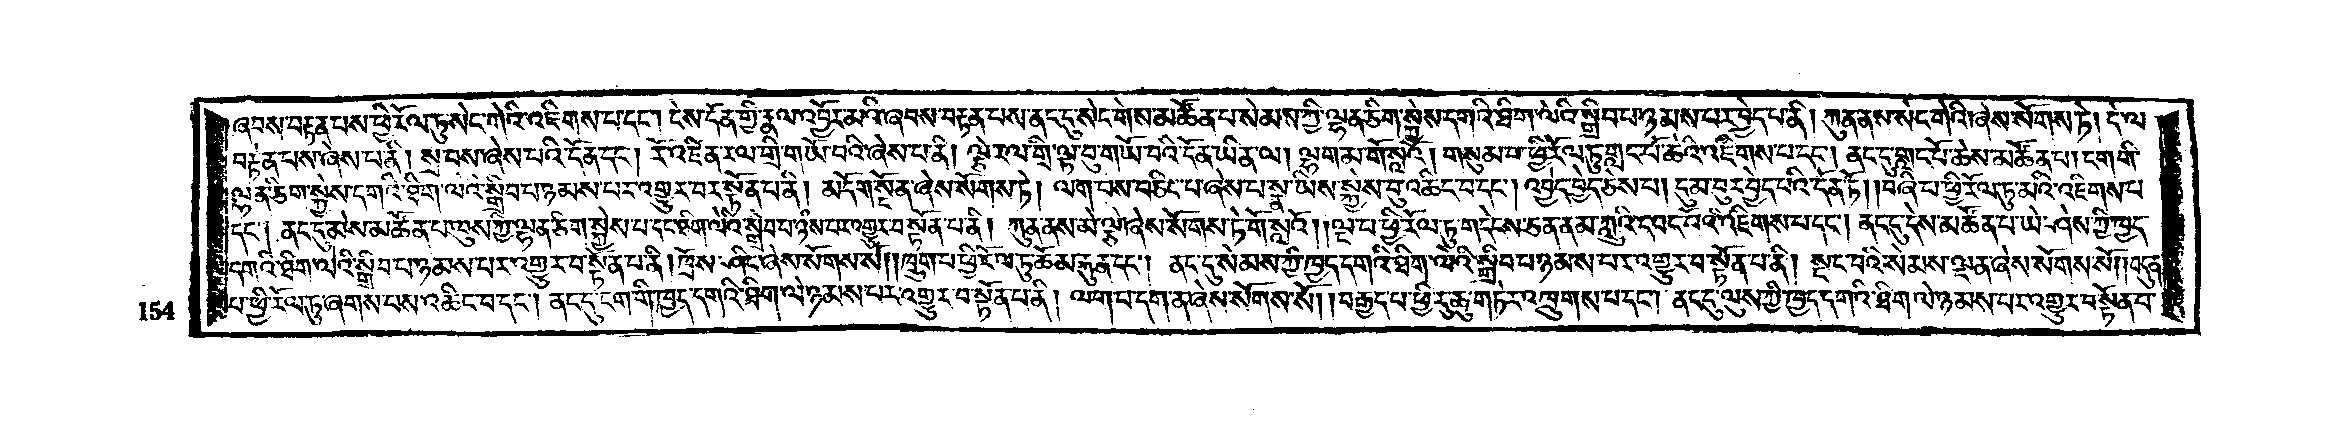ཞབས་བརྟན་པས་ཕྱི་རོལ་ཏུ་སེང་གེའི་འཇིགས་པ་དང་།ངེས་དོན་གྱི་རྣལ་འབྱོར་མའི་ཞབས་བརྟན་པས་ནང་དུ་སེང་གེས་མཚོན་པ་སེམས་ཀྱི་ལྷན་ཅིག་སྐྱེས་དགའི་ཐིག་ལེའི་སྒྲིབ་པ་ཉམས་པར་བྱེད་པ་ནི། ཀུན་ནས་སེང་གེའི་ཞེས་སོགས་ཏེ། དེ་ལ་
བརྟེན་པས་ཞེས་པ་ནི། སྲ་བས་ཞེས་པའི་དོན་དང་།རོ་འཛིན་རལ་གྲི་གཡོ་བའི་ཞེས་པ་ནི། ལྕེ་རལ་གྲི་ལྟ་བུ་གཡོ་བའི་དོན་ཡིན་ལ། ལྷག་མ་གོ་སླའོ། གསུམ་པ་ཕྱི་རོལ་ཏུ་གླང་པོ་ཆེའི་འཇིགས་པ་དང་།ནང་དུ་གླང་པོ་ཆེས་མཚོན་པ། ངག་གི་
ལྷན་ཅིག་སྐྱེས་དགའི་ཐིག་ལེའི་སྒྲིབ་པ་ཉམས་པར་འགྱུར་བར་སྟོན་པ་ནི། མདོག་སྔོན་ཞེས་སོགས་ཏེ། ལག་པས་བཅིང་པ་ཞེས་སྣ་ཡིས་སྐྱེས་བུ་འཆིང་བ་དང་།འབྱེད་བྱེད་ཅེས་པ། དུམ་བུར་བྱེད་པའི་དོན་ཏོ། །བཞི་པ་ཕྱི་རོལ་ཏུ་མའི་འཇིགས་པ་
དང་།ནང་དུ་མེས་མཚོན་པ་ལུས་ཀྱི་ལྷན་ཅིག་སྐྱེས་པ་དང་ཐིག་ལེའི་སྒྲིབ་པ་ཉམས་པར་འགྱུར་བ་སྟོན་པ་ནི། ཀུན་ནས་མེ་ལྕེ་ཞེས་སོགས་ཏེ་གོ་སླའོ། །ལྔ་པ་ཕྱི་རོལ་ཏུ་གདེངས་ཅན་ནམ་ཀླུའི་དབང་པོའི་འཇིགས་པ་དང་།ནང་དུ་དེས་མཚོན་པ་ཡེ་ཤེས་ཀྱི་ཁྱད་
དགའི་ཐིག་ལེའི་སྒྲིབ་པ་ཉམས་པར་འགྱུར་བ་སྟོན་པ་ནི། ཁྲོས་ཤིང་ཞེས་སོགས་སོ། །ཁྲུག་པ་ཕྱི་རོ་ལ་ཏུ་ཆོམ་རྐུན་དང་།ནང་དུ་སེམས་ཀྱི་ཁྱད་དགའི་ཐིག་ལེའི་སྒྲིབ་པ་ཉམས་པར་འགྱུར་བ་སྟོན་པ་ནི། སྡང་བའི་སེམས་ལྡན་ཞེས་སོགས་སོ། །བདུན་
པ་ཕྱི་རོལ་ཏུ་ཞགས་པས་འཆིང་བ་དང་།ནང་དུ་ངག་གི་ཁྱད་དགའི་ཐིག་ལེ་ཉམས་པར་འགྱུར་བ་སྟོན་པ་ནི། ལག་པ་དག་ན་ཞེས་སོགས་སོ། །བརྒྱད་པ་ཕྱི་རུ་ཆུ་གཏེར་འཁྲུགས་པ་དང་།ནང་དུ་ལུས་ཀྱི་ཁྱད་དགའི་ཐིག་ལེ་ཉམས་པར་འགྱུར་བ་སྟོན་པ་